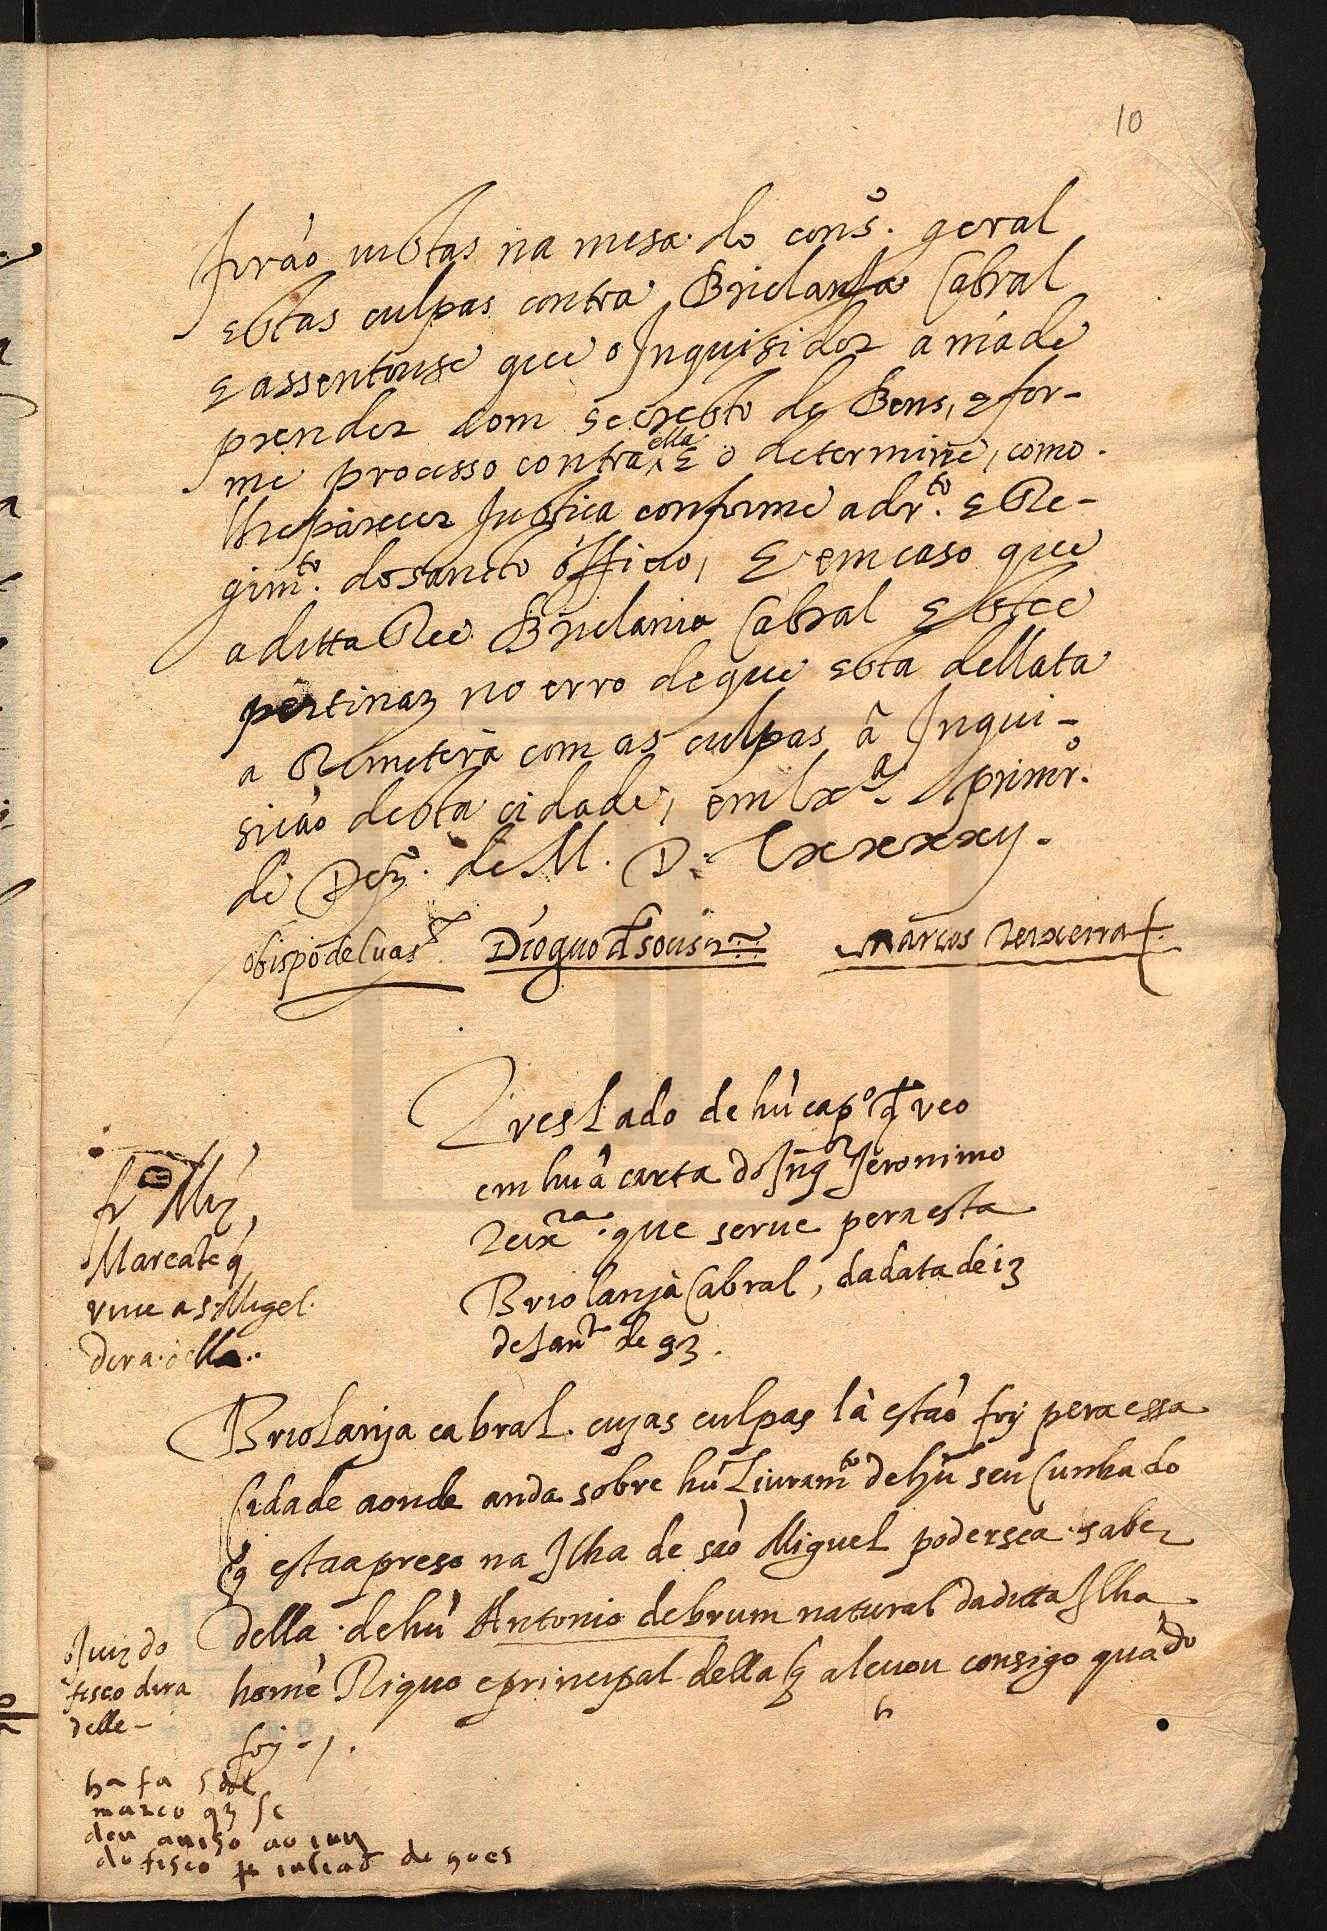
foraõ uistas na mesa do cons.o geral
Estas culpas contra Briolanja Cabral
E assentouse que o Jnquisidor a māde
prender com secresto de Bens, E for
me processo contra
ella
E o determine, como
lhe parecer Justiça conforme a drto. E Re
gim.to do sancto officio, E em caso que
a ditta Ree Briolania Cabral Esta
pertinaz no erro de que Esta dellata
a Remetera com as culpas á Jnqui
sição desta cidade, em lx.a primr.o
do Dez.o de M. D. lxxxxij.
o bispo deluas
Dioguo d̄ sousa
Marcos teixeira
Treslado de hū capo q̄ veo
em huā carta do Jn̄qor Jeronimo
Teixra. que serue pera esta
Briolanja Cabral, da data de 13
de Ianro de 93.
frco Miz̄
Mareāte q̄
viue a s. Migel
dira della.
Briolanja cabraL cujas culpas là estaõ foy pera essa
Cidade aonde anda sobre hū Liuramto de hū seu Cunhado
q̄ estaa preso na Jlha de saõ Miguel podersea saber
della de hū Antonio de brum natural da ditta Jlha
homē Riquo e principal della q̄ a leuou consigo quādo
foy ./.
o Juiz do
fisco dira
delle
ha fa 5 de
março 93 se
deu auiso ao iuiz
do fisco ꝑ iuliaõ de goes
